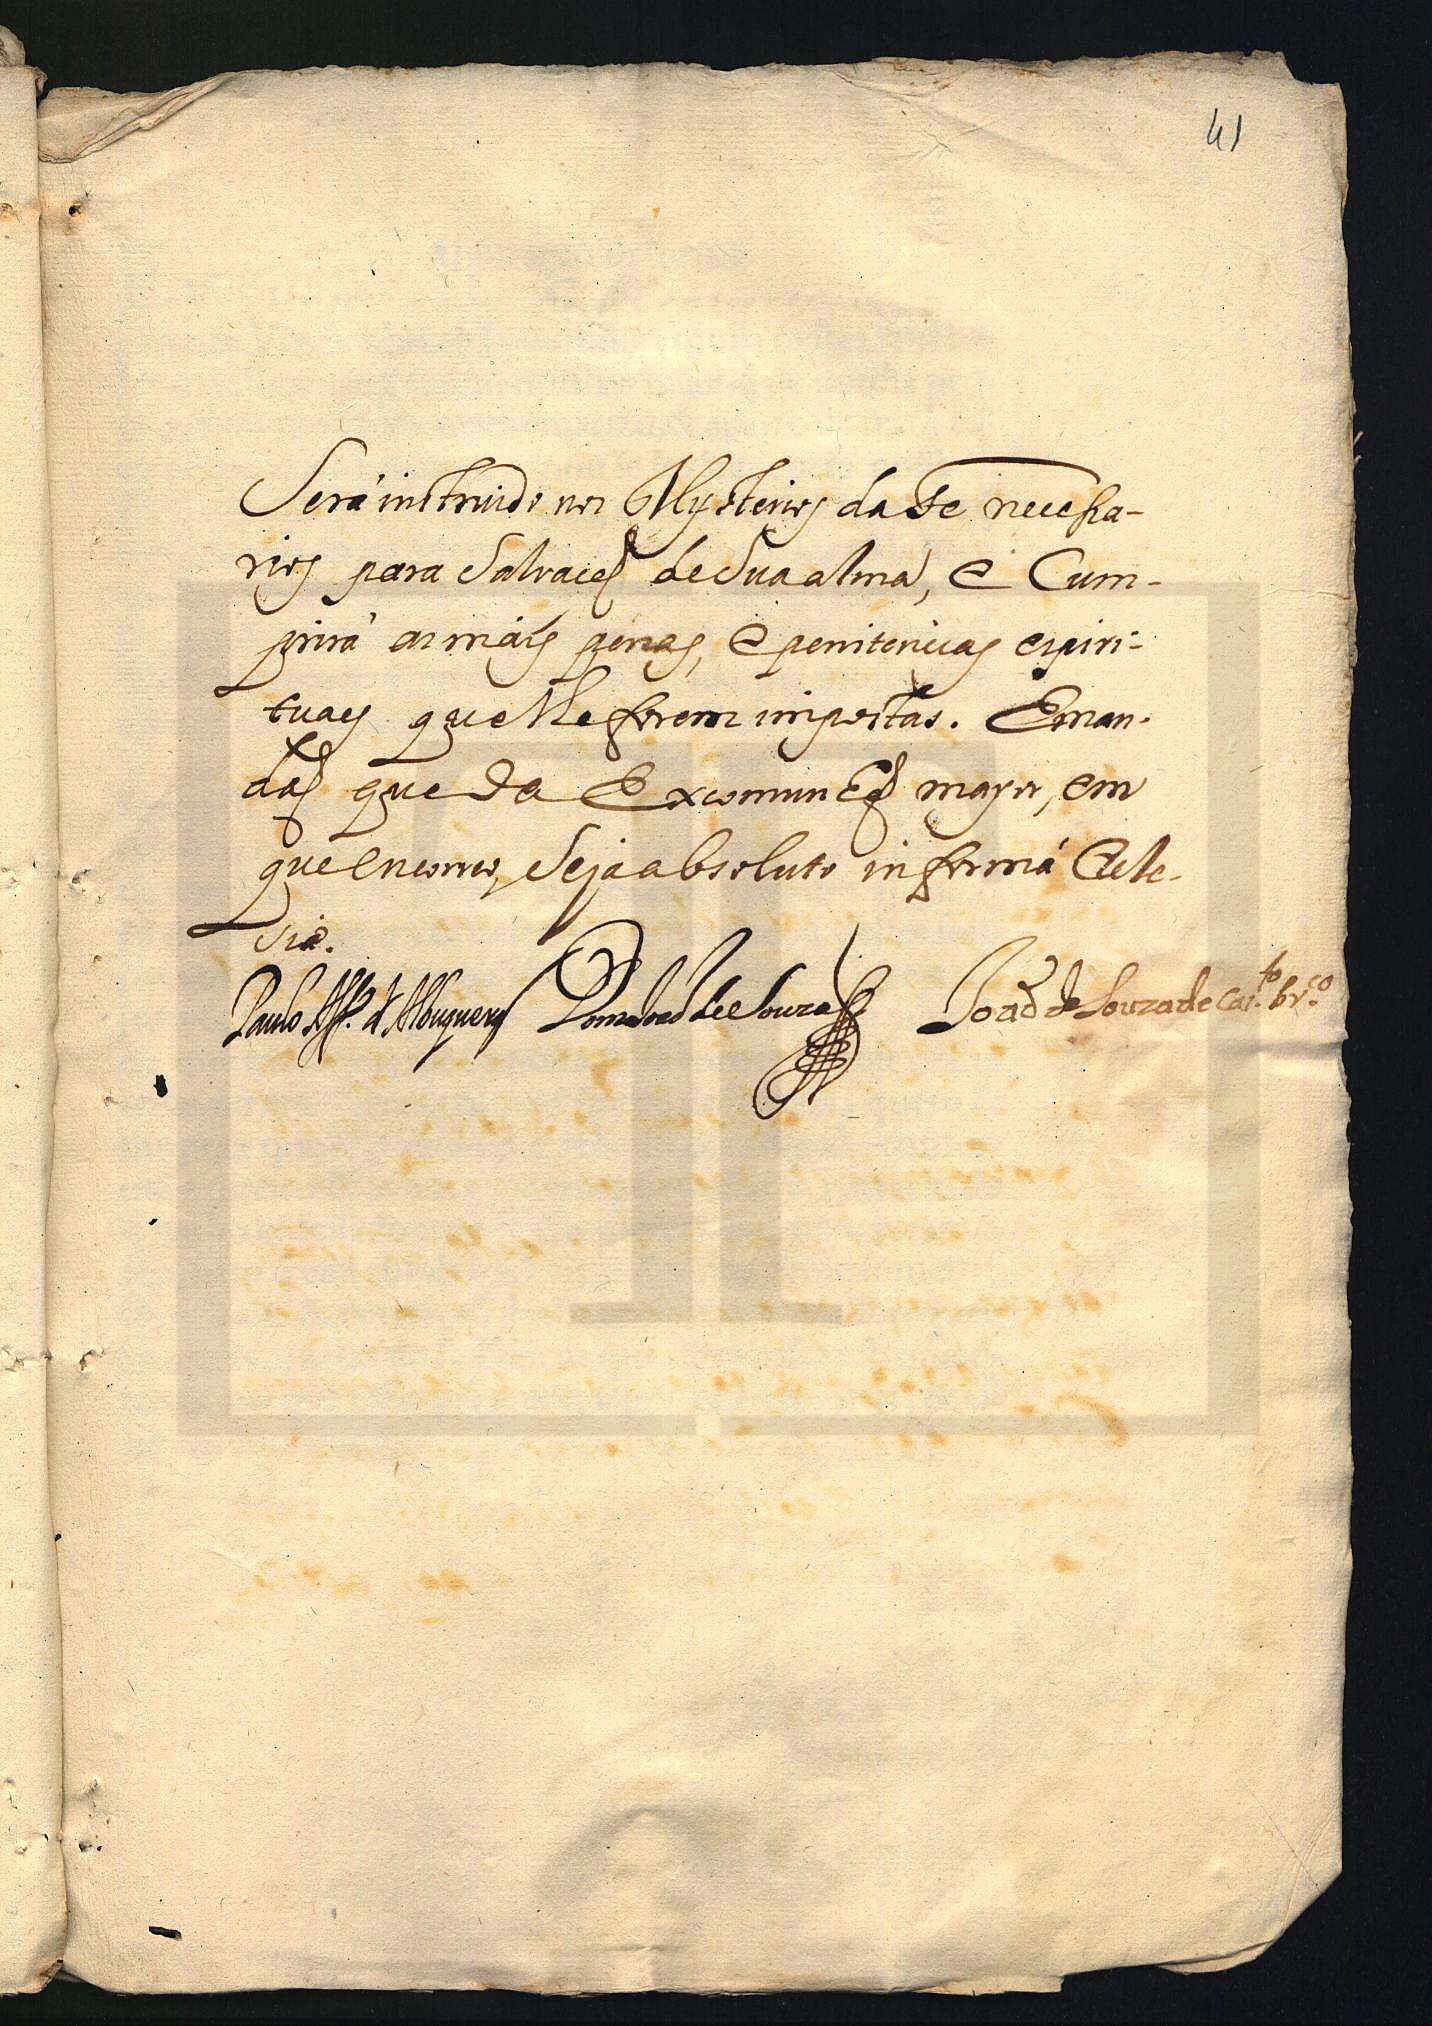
Será instruido nos Mysterios da Fe necessa
rios para Salvaçaõ de Sua alma, e Cum
prirá as mais penas, e penitencias espiri
tuaes que lhe forem impostas. E man
daõ que da Excomunhaõ mayor, em
que encorreo, Seja absoluto in formá Æcle
siæ.
Paulo Aff.o de Albuquerq̄
Dom Ioaõ de Souza
Ioaõ de Souza de cas.to br.co
